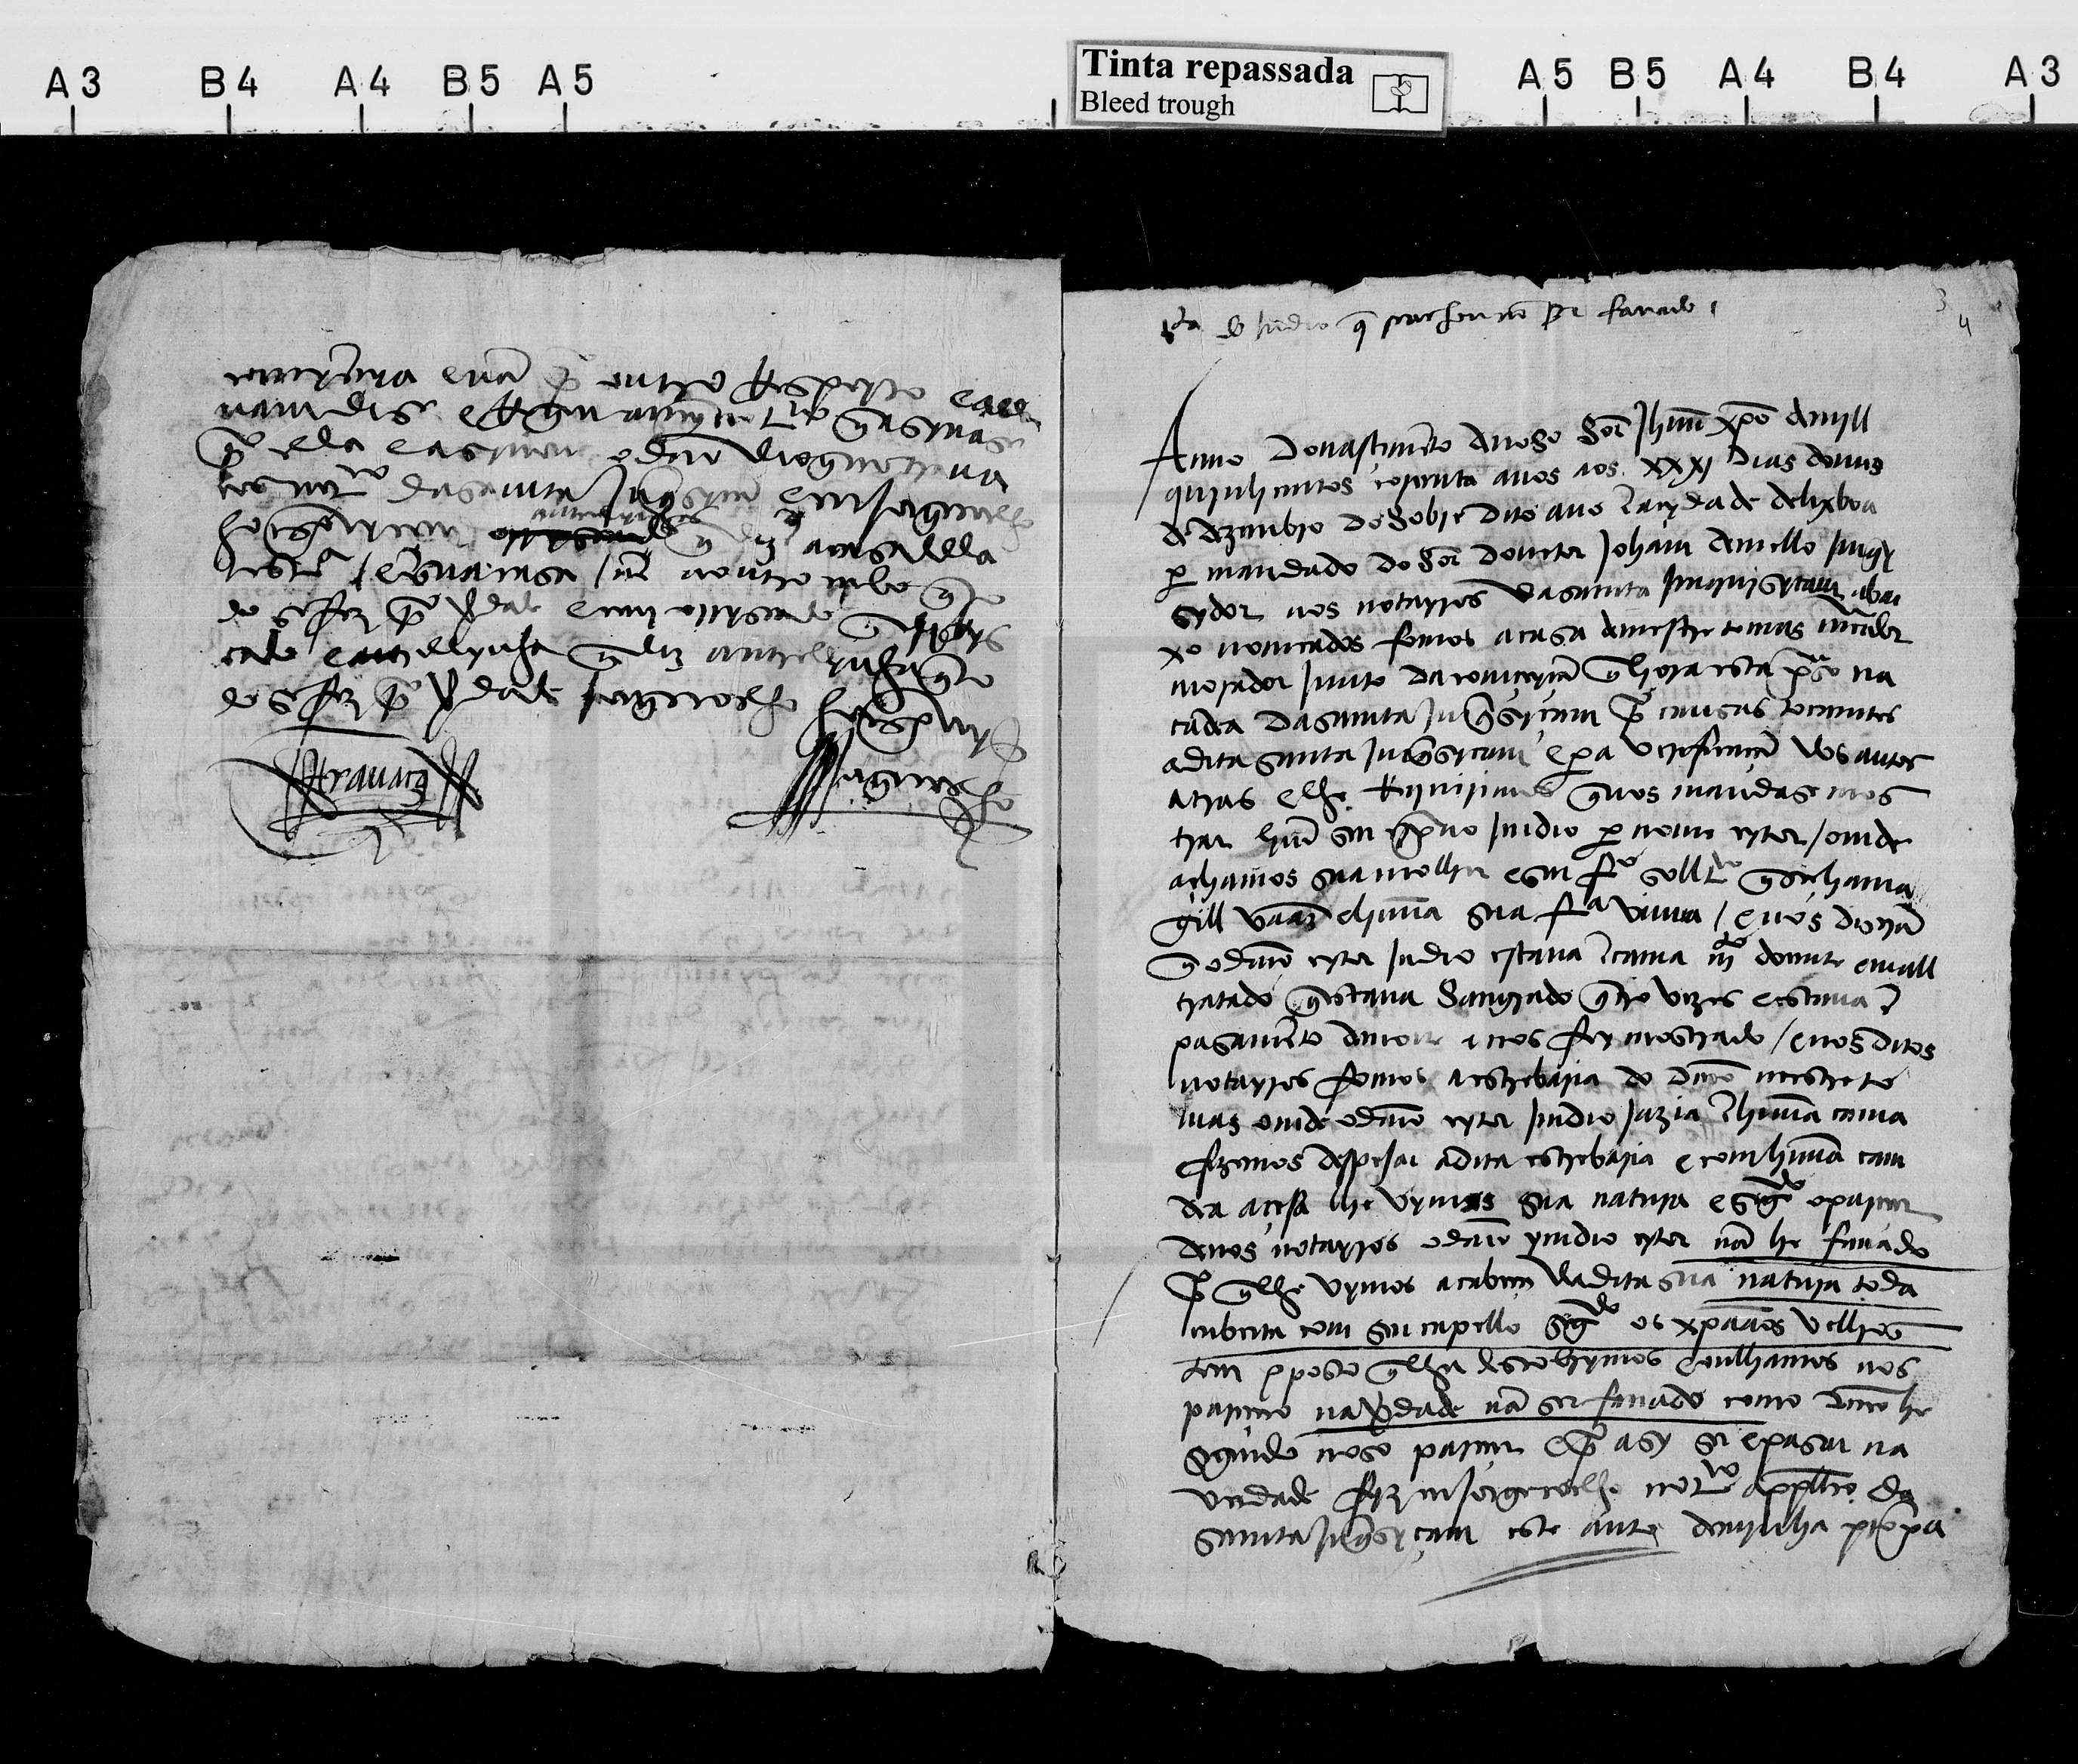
concyēcya e nā p̄o outro Respeyto e all
nam dise e Rogou a mȳ notro q̄ asynase
p̄o ela e asjnou o dito dioguo traua
ços notro da samta Jnq̄syçā E eu Jorge coelho
ho esp̄vy com o rryscado
antrelynhas
q̄ dizē a casa della
testa / ē sua casa / nē a outro cabo q̄ to
do se fez p̄o ꝟdade e com o rryscado q̄ djz Rys
cado e antrellynha q̄ diz antrellynha q̄ to
do se fez p̄o ꝟdade Jorge coelho ho esp̄vy
Jorge coelho
Trauacꝯ
vta do Jndio q̄ se achou nō ꞩr fanado
Anno Do nascimēto de noso Sōr Jhuū xp̄o de mjll
qujnhemtos coremta anos aos xxxj dias do mes
de dezembro do Sobredito ano ē a cydade de lixboa
ꝑ mandado do Sōr Douctor Joham de mello Jmq̄y
sydor nos notayros da samta Jmqujsyçam abai
xo nomeados fomos a casa de mestre tomas m̄cador
morador Junto da comceyçā q̄ hora esta p̄so na
cadea Da samta Jmq̄syçam p̄o causas tocamtes
a dita santa Jmq̄syçam e ꝑa verificaçā dos autos
atras e lhe Requirimos q̄ nos mandasemos
trar huū seu esp̄uo Jmdio ꝑ nome eytor / omde
achamos sua molher e seu fo solltro q̄ se chama
gill vāaz e huūa sua fa viuua / e nos diserā
q̄ o ditto eytor Jndio estaua ē cama mto doemte e mall
tratado q̄ estaua Sangrado q̄tro vezes e estaua ē
pasamēto de morte e nos foy mostrado / e nos ditos
notayros fomos a estrebaria do ditto mestre to
mas omde o ditto eytor Jmdio Jazia ē huūa cama
fizemos despeJar a dita estrebaria e com hūua cam
dea acesa lhe vymos sua natura e segdo o parecer
de nos notayros o ditto ymdio eytor nā he fanado
p̄o q̄ lhe vymos a cabeça da dita sua natura toda
cuberta com seu capello segdo os xpaãos velhos
tem e posto q̄ lha descobrymos e oulhamos nos
pareceeo na ꝟdade nā ser fanado como ditto he
segundo noso parecer e p̄o asy ser e pasar na
verdade fyz eu Jorge coelho notro ap̄pllco da
samta Jnq̄syçam este auto de mjnha prop̄a
